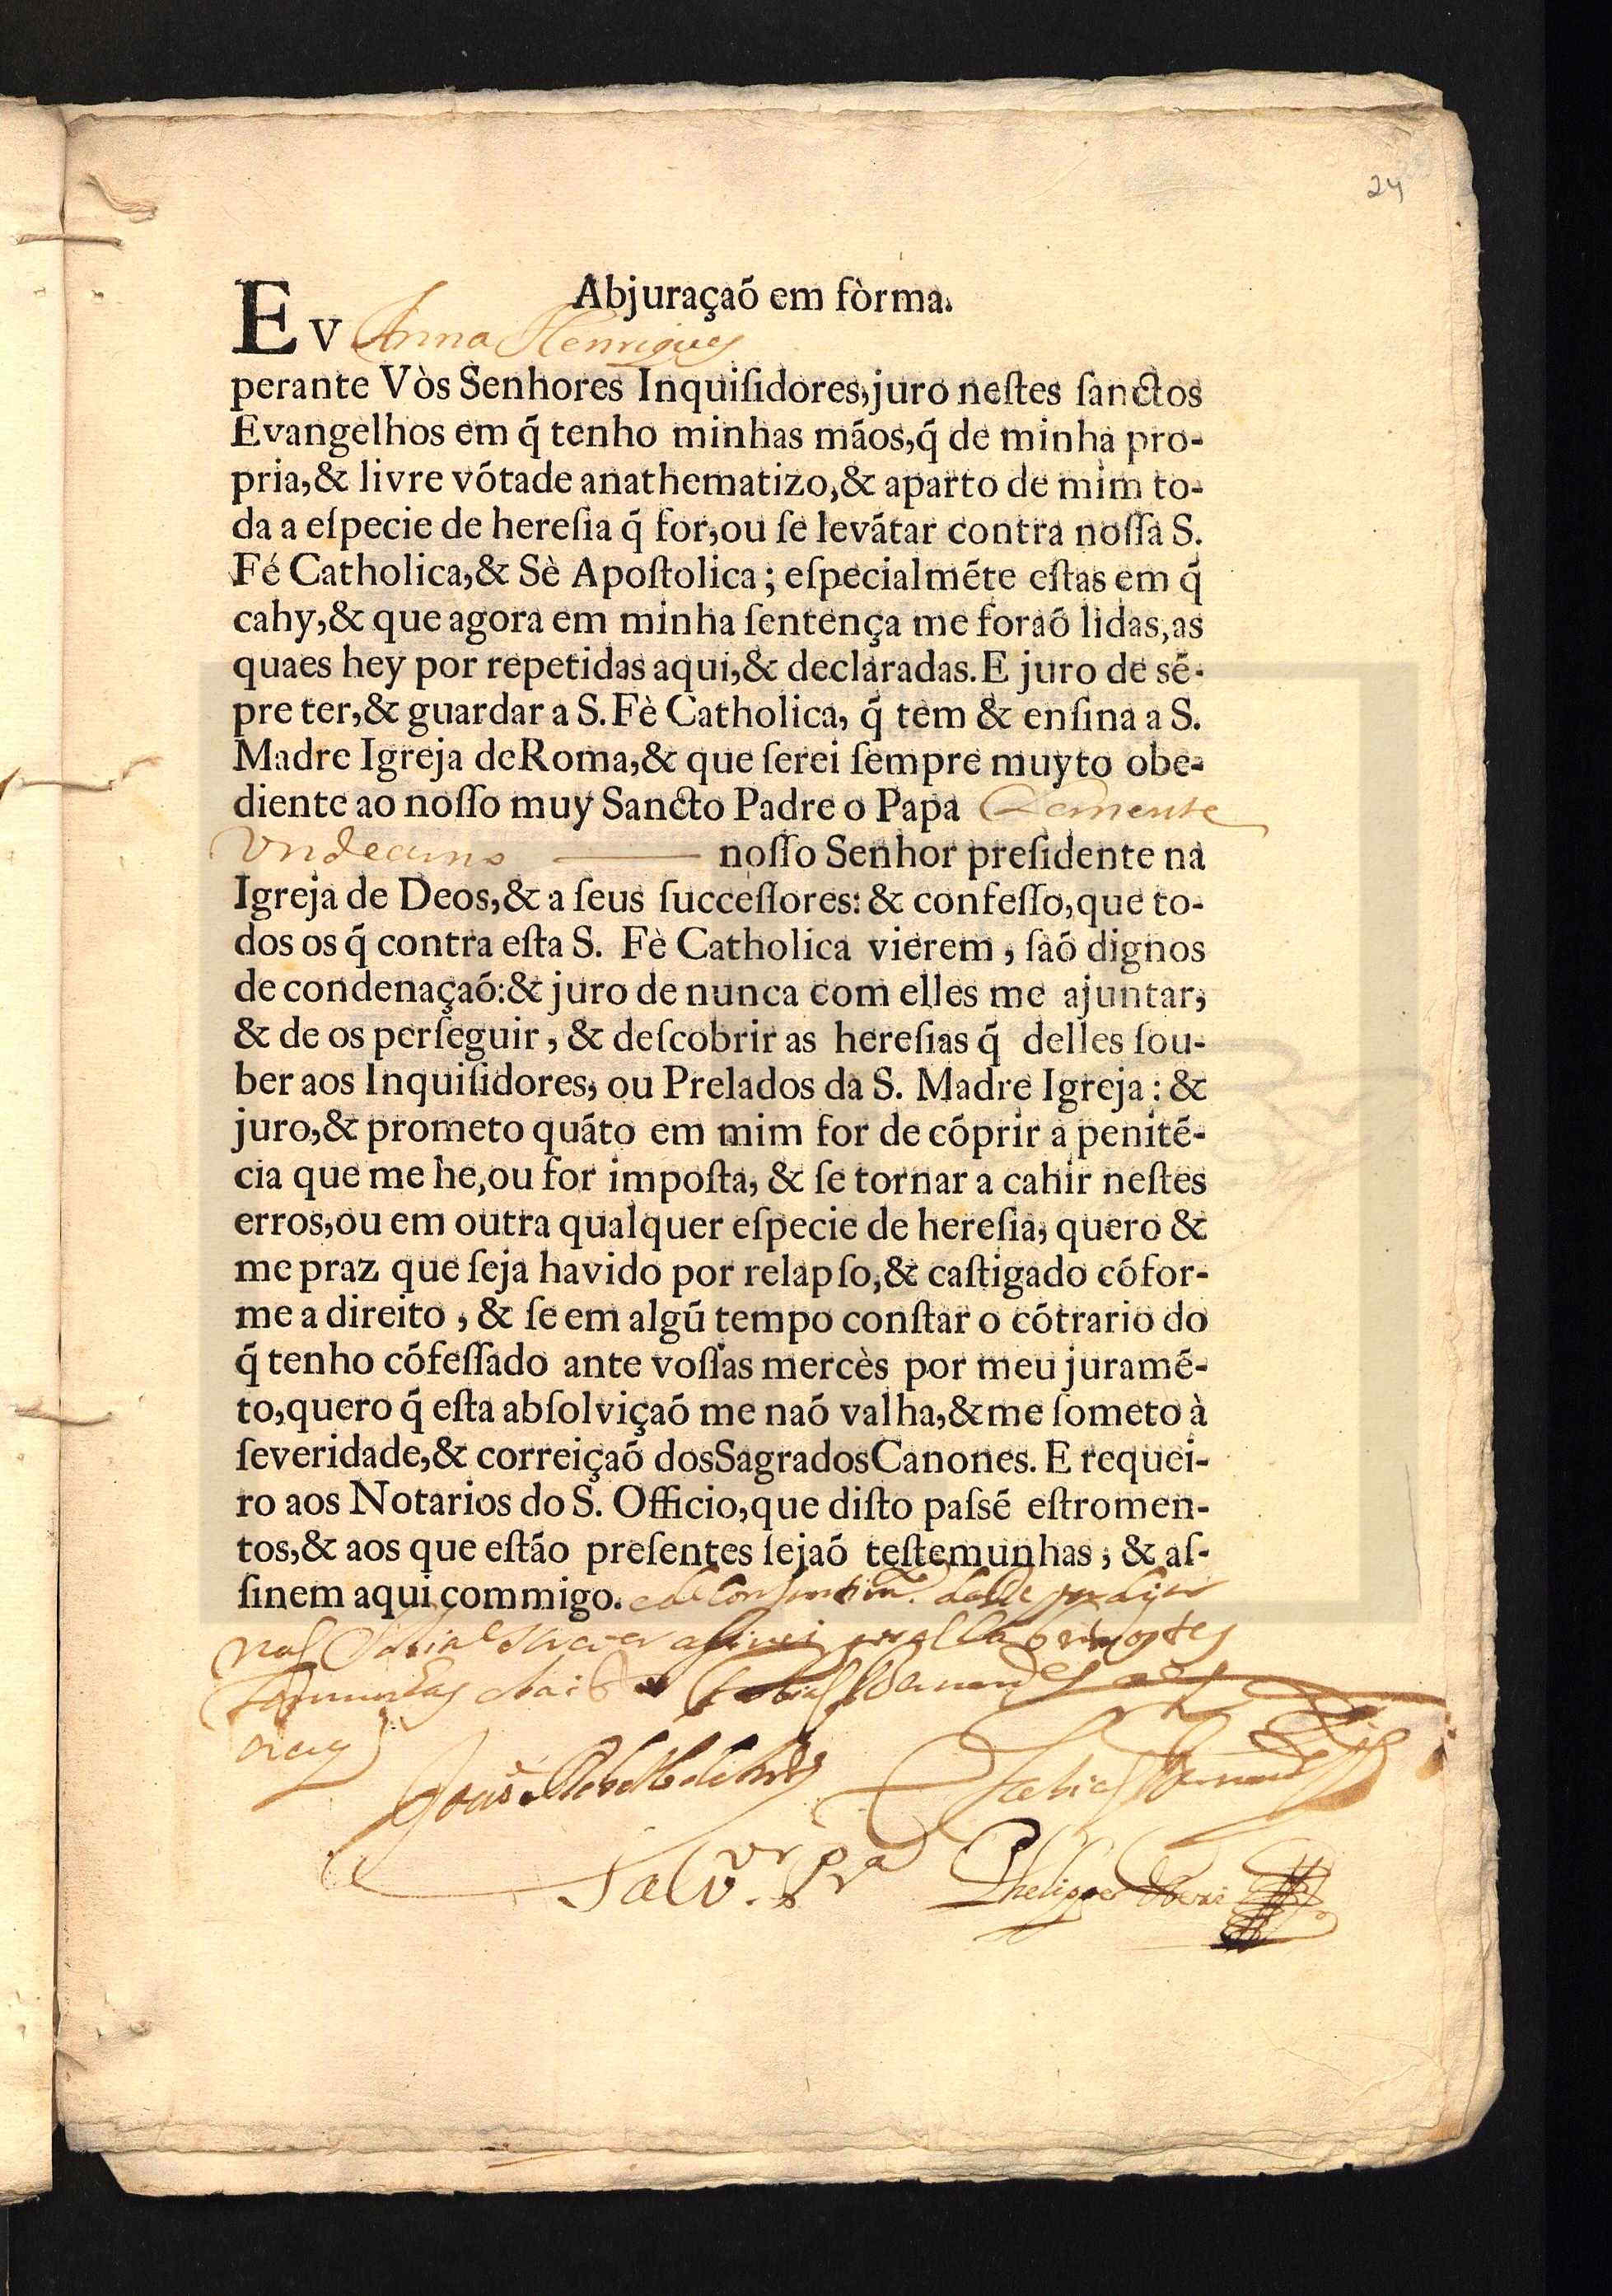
Abjuraçaõ em fòrma.
Ev Annna Henriques
perante Vòs Senhores Inquisidores, juro nestes sanctos
Evangelhos em q̄ tenho minhas mãos, q̄ de minha pro
pria, & livre vōtade anathematizo, & aparto de mim to
da a especie de heresia q̄ for, ou se levātar contra nossa S.
Fé Catholica, & Sè Apostolica; especialmēte estas em q̄
cahy, & que agora em minha sentença me foraõ lidas, as
quaes hey por repetidas aqui, & declaradas. E juro de sē
pre ter, & guardar a S. Fè Catholica, q̄ tem & ensina a S.
Madre Igreja de Roma, & que serei sempre muyto obe
diente ao nosso muy Sancto Padre o Papa Clemente
vndecimo
nosso Senhor presidente na
Igreja de Deos, & a seus successores: & confesso, que to
dos os q̄ contra esta S. Fè Catholica vierem, saõ dignos
de condenaçaõ: & juro de nunca com elles me ajuntar;
& de os perseguir, & descobrir as heresias q̄ delles sou
ber aos Inquisidores, ou Prelados da S. Madre Igreja: &
juro, & prometo quāto em mim for de cōprir a penitē
cia que me he, ou for imposta, & se tornar a cahir nestes
erros, ou em outra qualquer especie de heresia, quero &
me praz que seja havido por relapso, & castigado cōfor
me a direito, & se em algū tempo constar o cōtrario do
q̄ tenho cōfessado ante vossas mercès por meu juramē
to, quero q̄ esta absolviçaõ me naõ valha, & me someto à
severidade, & correiçaõ dos Sagrados Canones. E requei
ro aos Notarios do S. Officio, que disto passē estromen
tos, & aos que estão presentes sejaõ testemunhas, & as
sinem aqui commigo, e de consentimto da Re por dizer
naõ sabia escrever asinei por ella Com as tes
temunhas abaicho Fabiaꝭ Bernardes
ney
Joaõ Rebello de
Salv.or Pra
Phelippe
